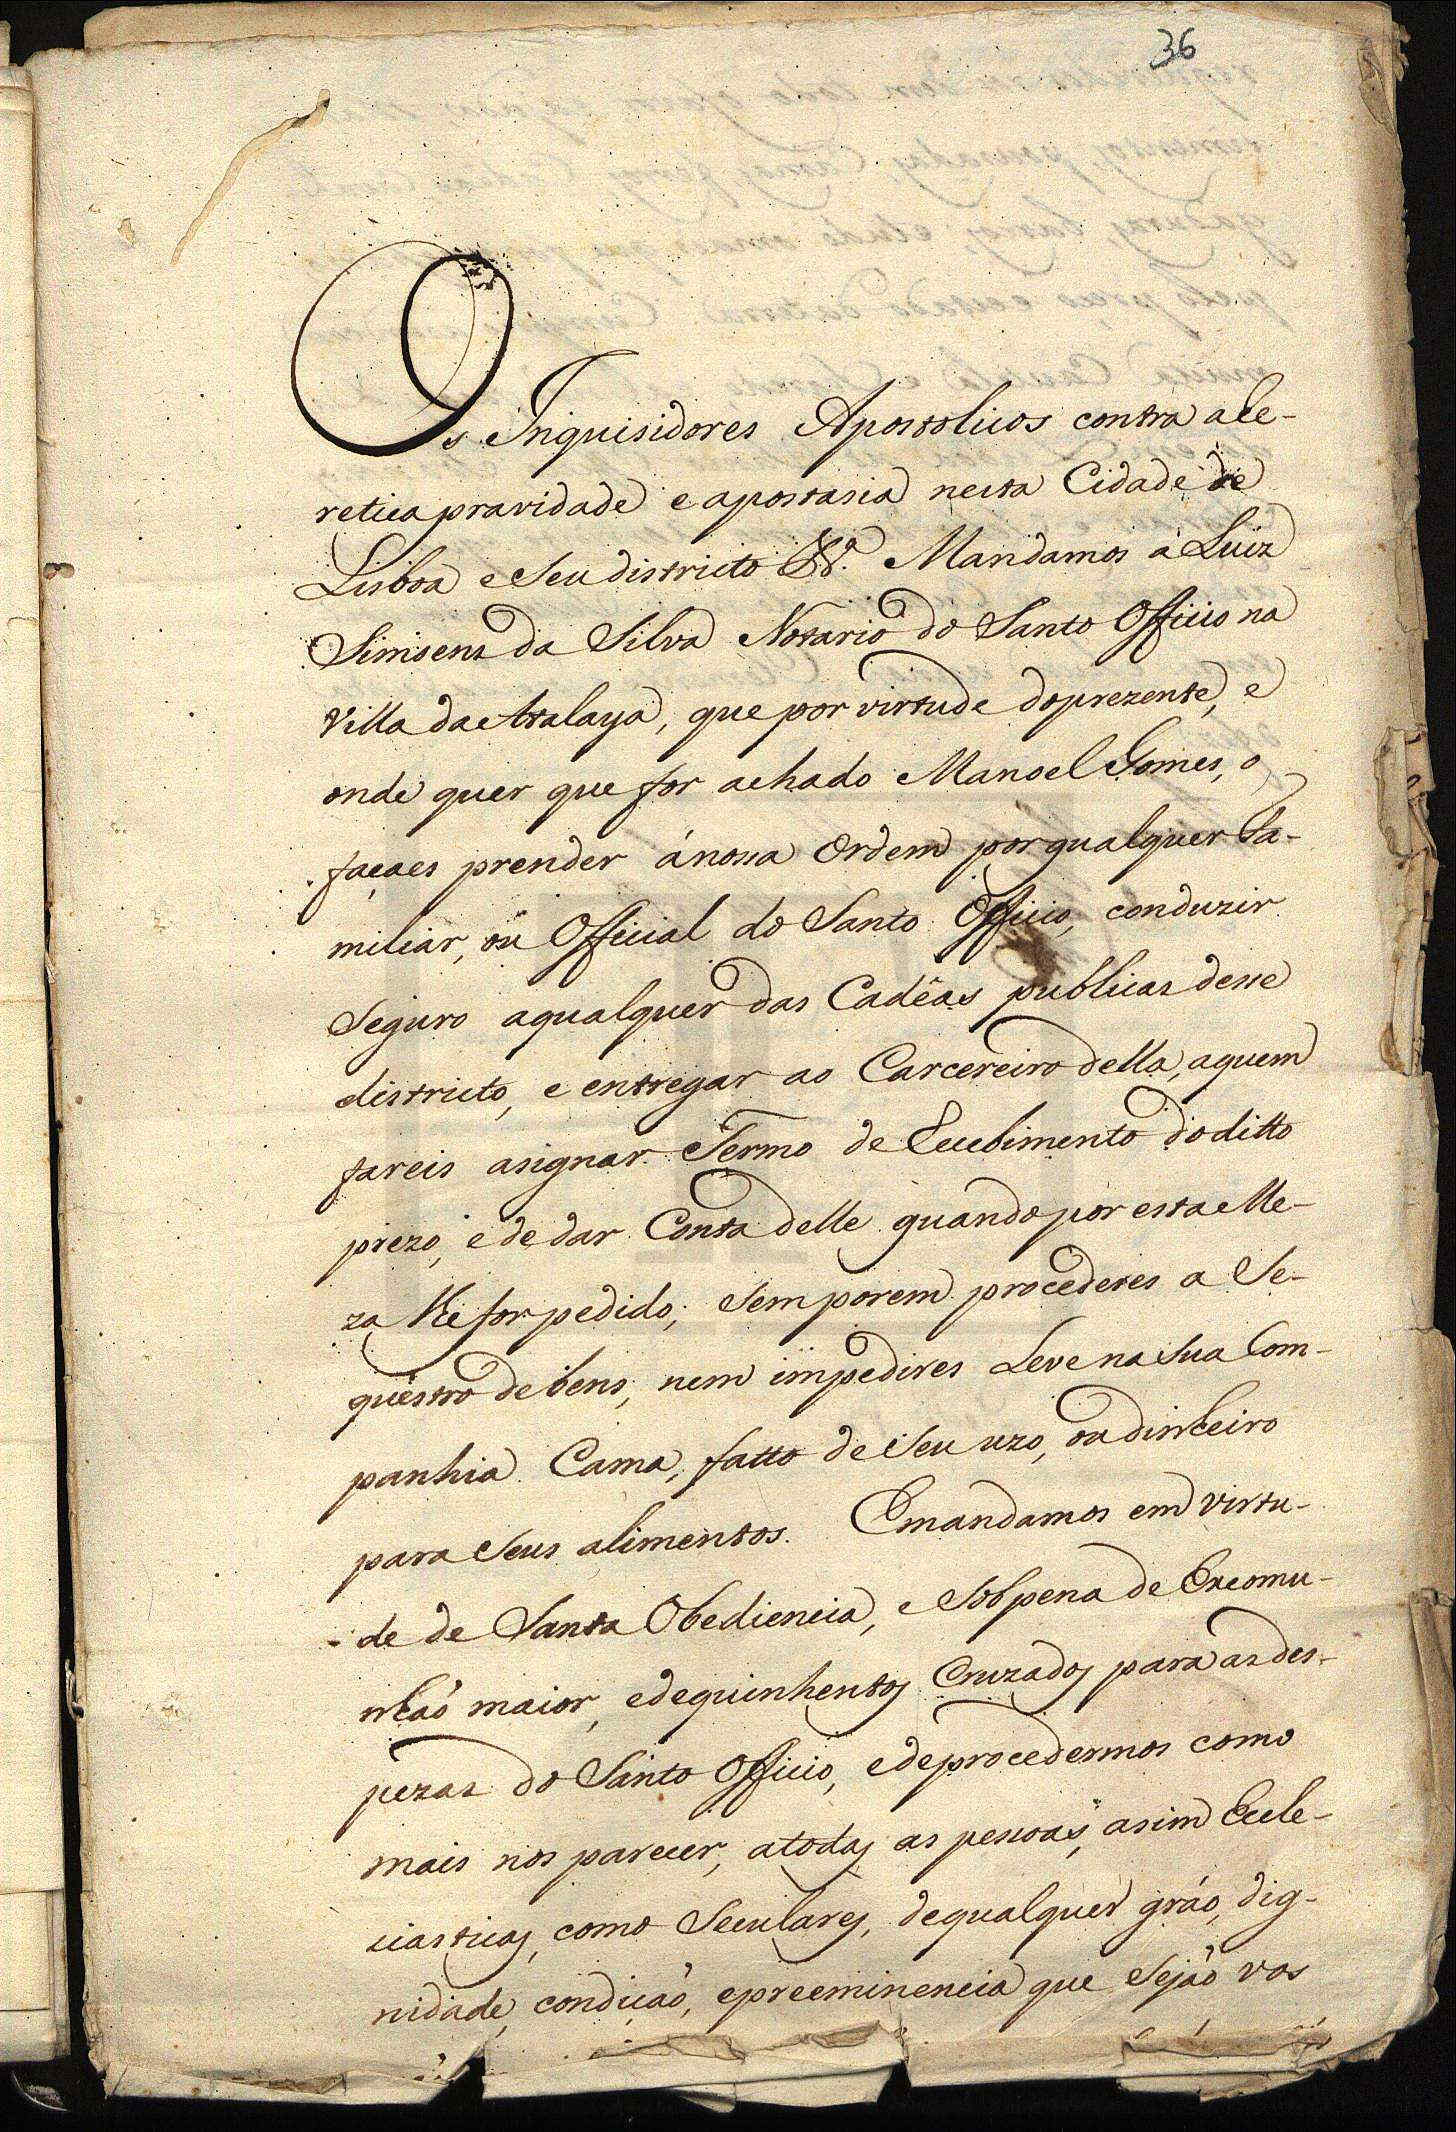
Os Inquisidores Apostolicos contra a he
retica pravidade e apostasia nesta Cidade de
Lisboa, e seu districto &r.a Mandamos á Luiz
Simoens da Silva Notario do Santo Officio na
villa da Atalaya, que por virtude do prezente, e
onde quer que for achado Manoel Gomes, o
façaes prender a nossa Ordem por qualquer Fa
miliar, ou Official do Santo Officio, conduzir
seguro a qualquer das Cadêas publicas desse
districto, e entregar ao Carcereiro della, a quem
fareis asignar Termo de Recebimento do ditto
prezo, e de dar conta delle quando por esta Me
za lhe for pedido; sem porem procederes a Se
questro de bens, nem impedires Leve na sua Com
panhia Cama, fatto de seu uzo, ou dinheiro
para seus alimentos. E mandamos em virtu
de de Santa Obediencia, e sob pena de Excomu
nhaõ maior, e de quinhentos cruzados para as des
pezaz do Santo Officio, e de procedermos como
mais nos parecer, a todas as pessoas, asim Eccle
siasticas, como Seculares, de qualquer gráo, dig
nidade, condiçaõ, e preeminencia que sejaõ vos
